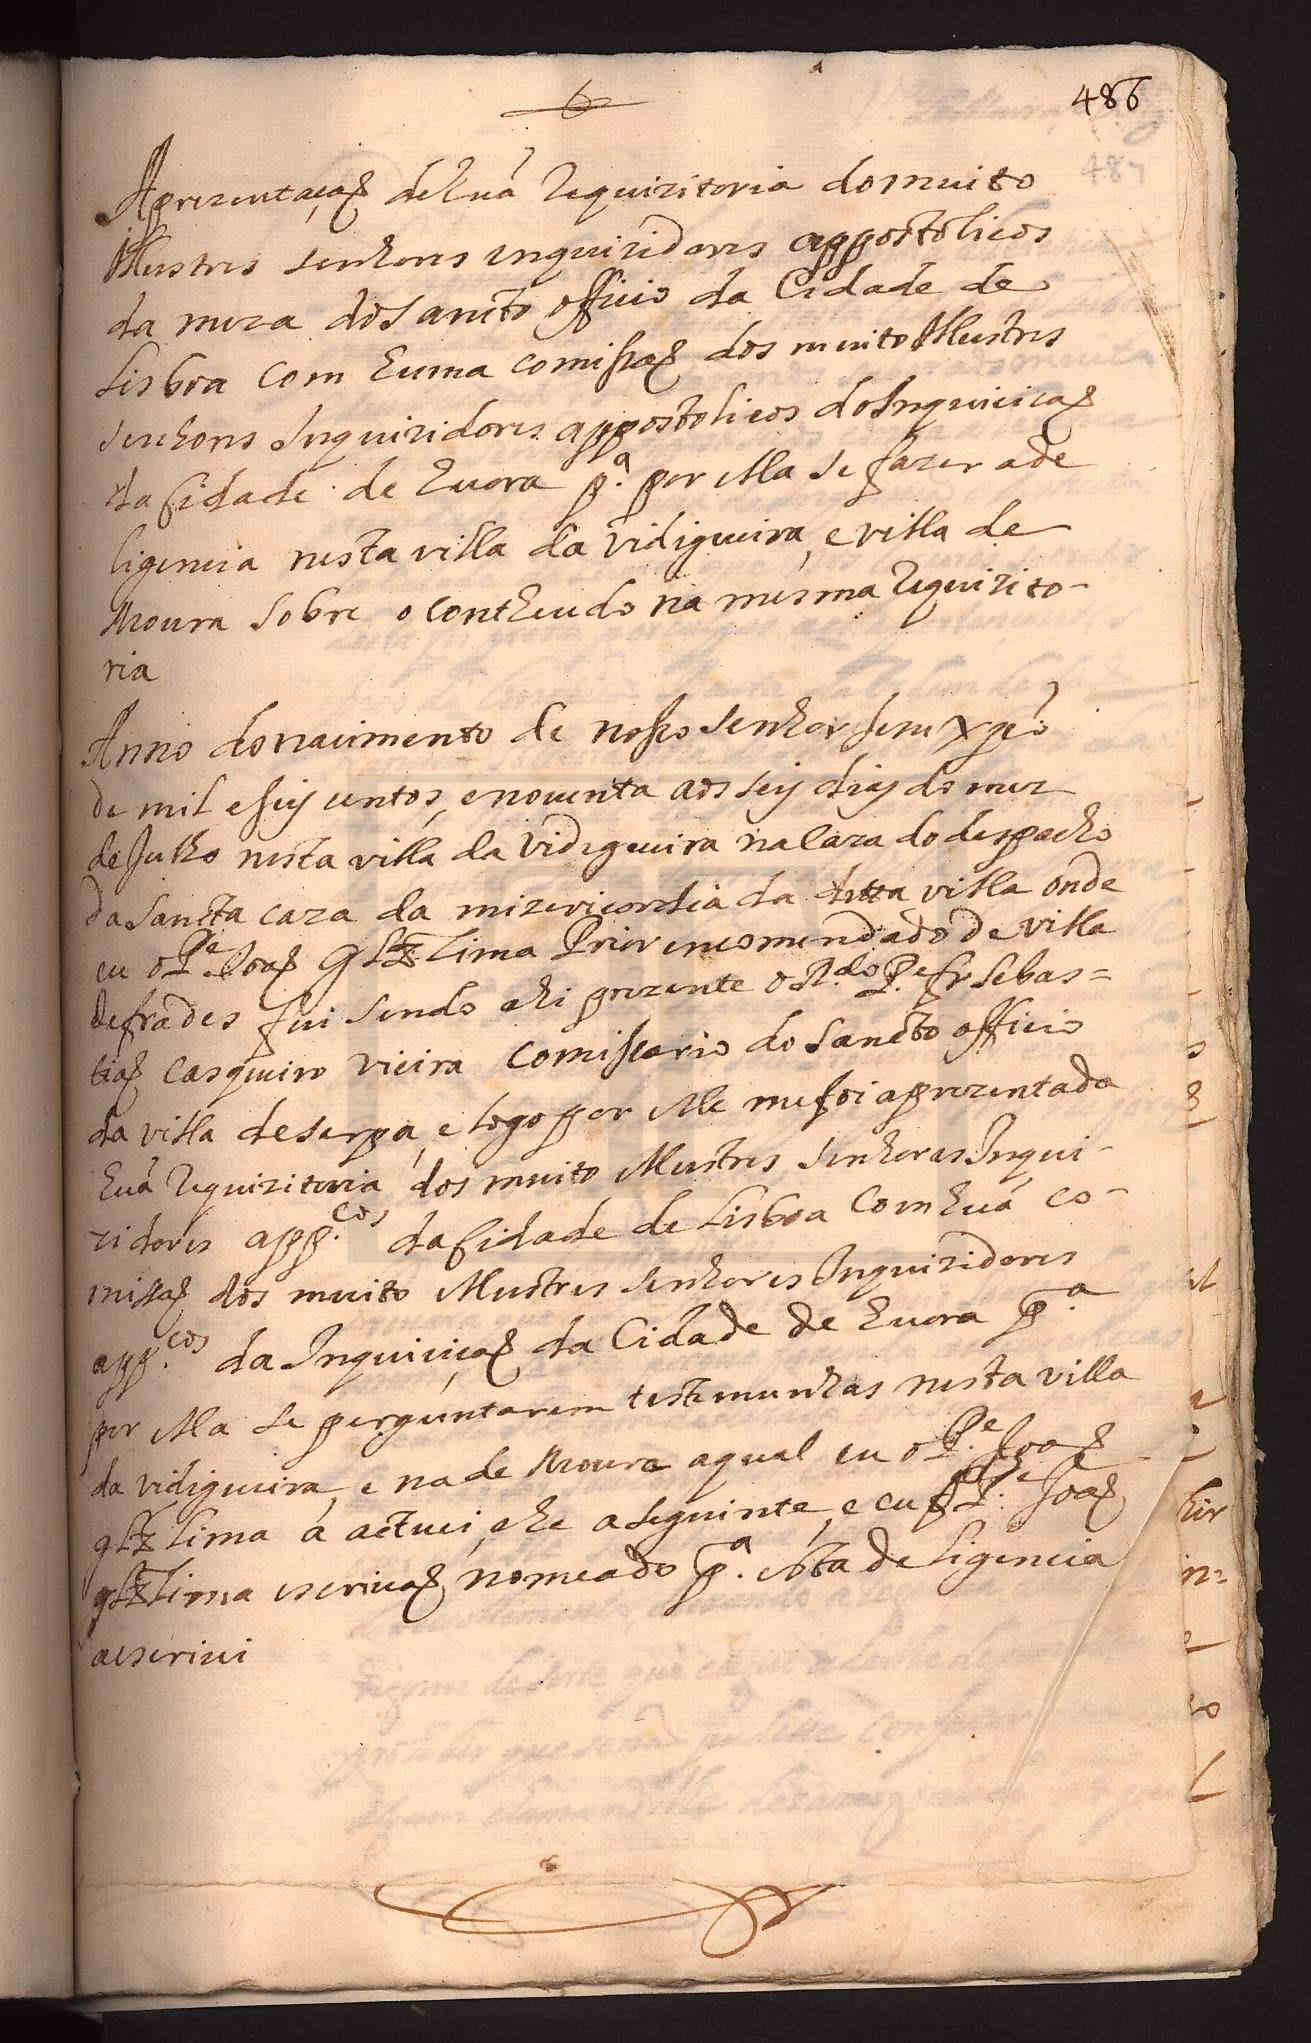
486
Aprezentaçaõ de huā Requizitoria do muito
Illustres senhores inquizidores appostolicos
da meza do Sancto officio da Cidade de
Lisboa com huma comissaõ dos muito Illustres
senhores Inquizidores appostolicos do Inquiziçaõ
da Cidade de Euora p.a por ella se fazer a de
ligencia nesta villa da vidigueira, e villa de
Moura sobre o contheudo na mesma Requizito
ria
Anno do nacimento de nosso senhor Jesu xpō
de mil e seiscentos, e nouenta aos seis dias do mez
de Julho nesta villa da Vidigueira na Caza do despacho
da Sancta caza da mizericordia da ditta villa onde
eu o P.e Ioaõ Glz̄ Lima Prior encomendado de villa
de frades fui sendo ahi prezente o R.do P.e fr. Sebas
tiaõ casqueiro vieira comissario do Sancto officio
da villa de serpa, e logo por elle me foi aprezentada
huā Requizitoria dos muito Illustres Senhores Inqui
zidores app.cos da Cidade de Lisboa com huā co
missaõ dos muito Illustres senhores Inquizidores
app.cos da Inquiziçaõ da Cidade de Euora p.a
por ella se perguntarem testemunhas nesta villa
da vidigueira, e na de Moura a qual eu o P.e Joaõ
glz̄ Lima a actuei, e he a seguinte, e eu d.o P.e Joaõ
glz̄ lima escriuaõ nomeado p.a esta deligencia
a escriui
